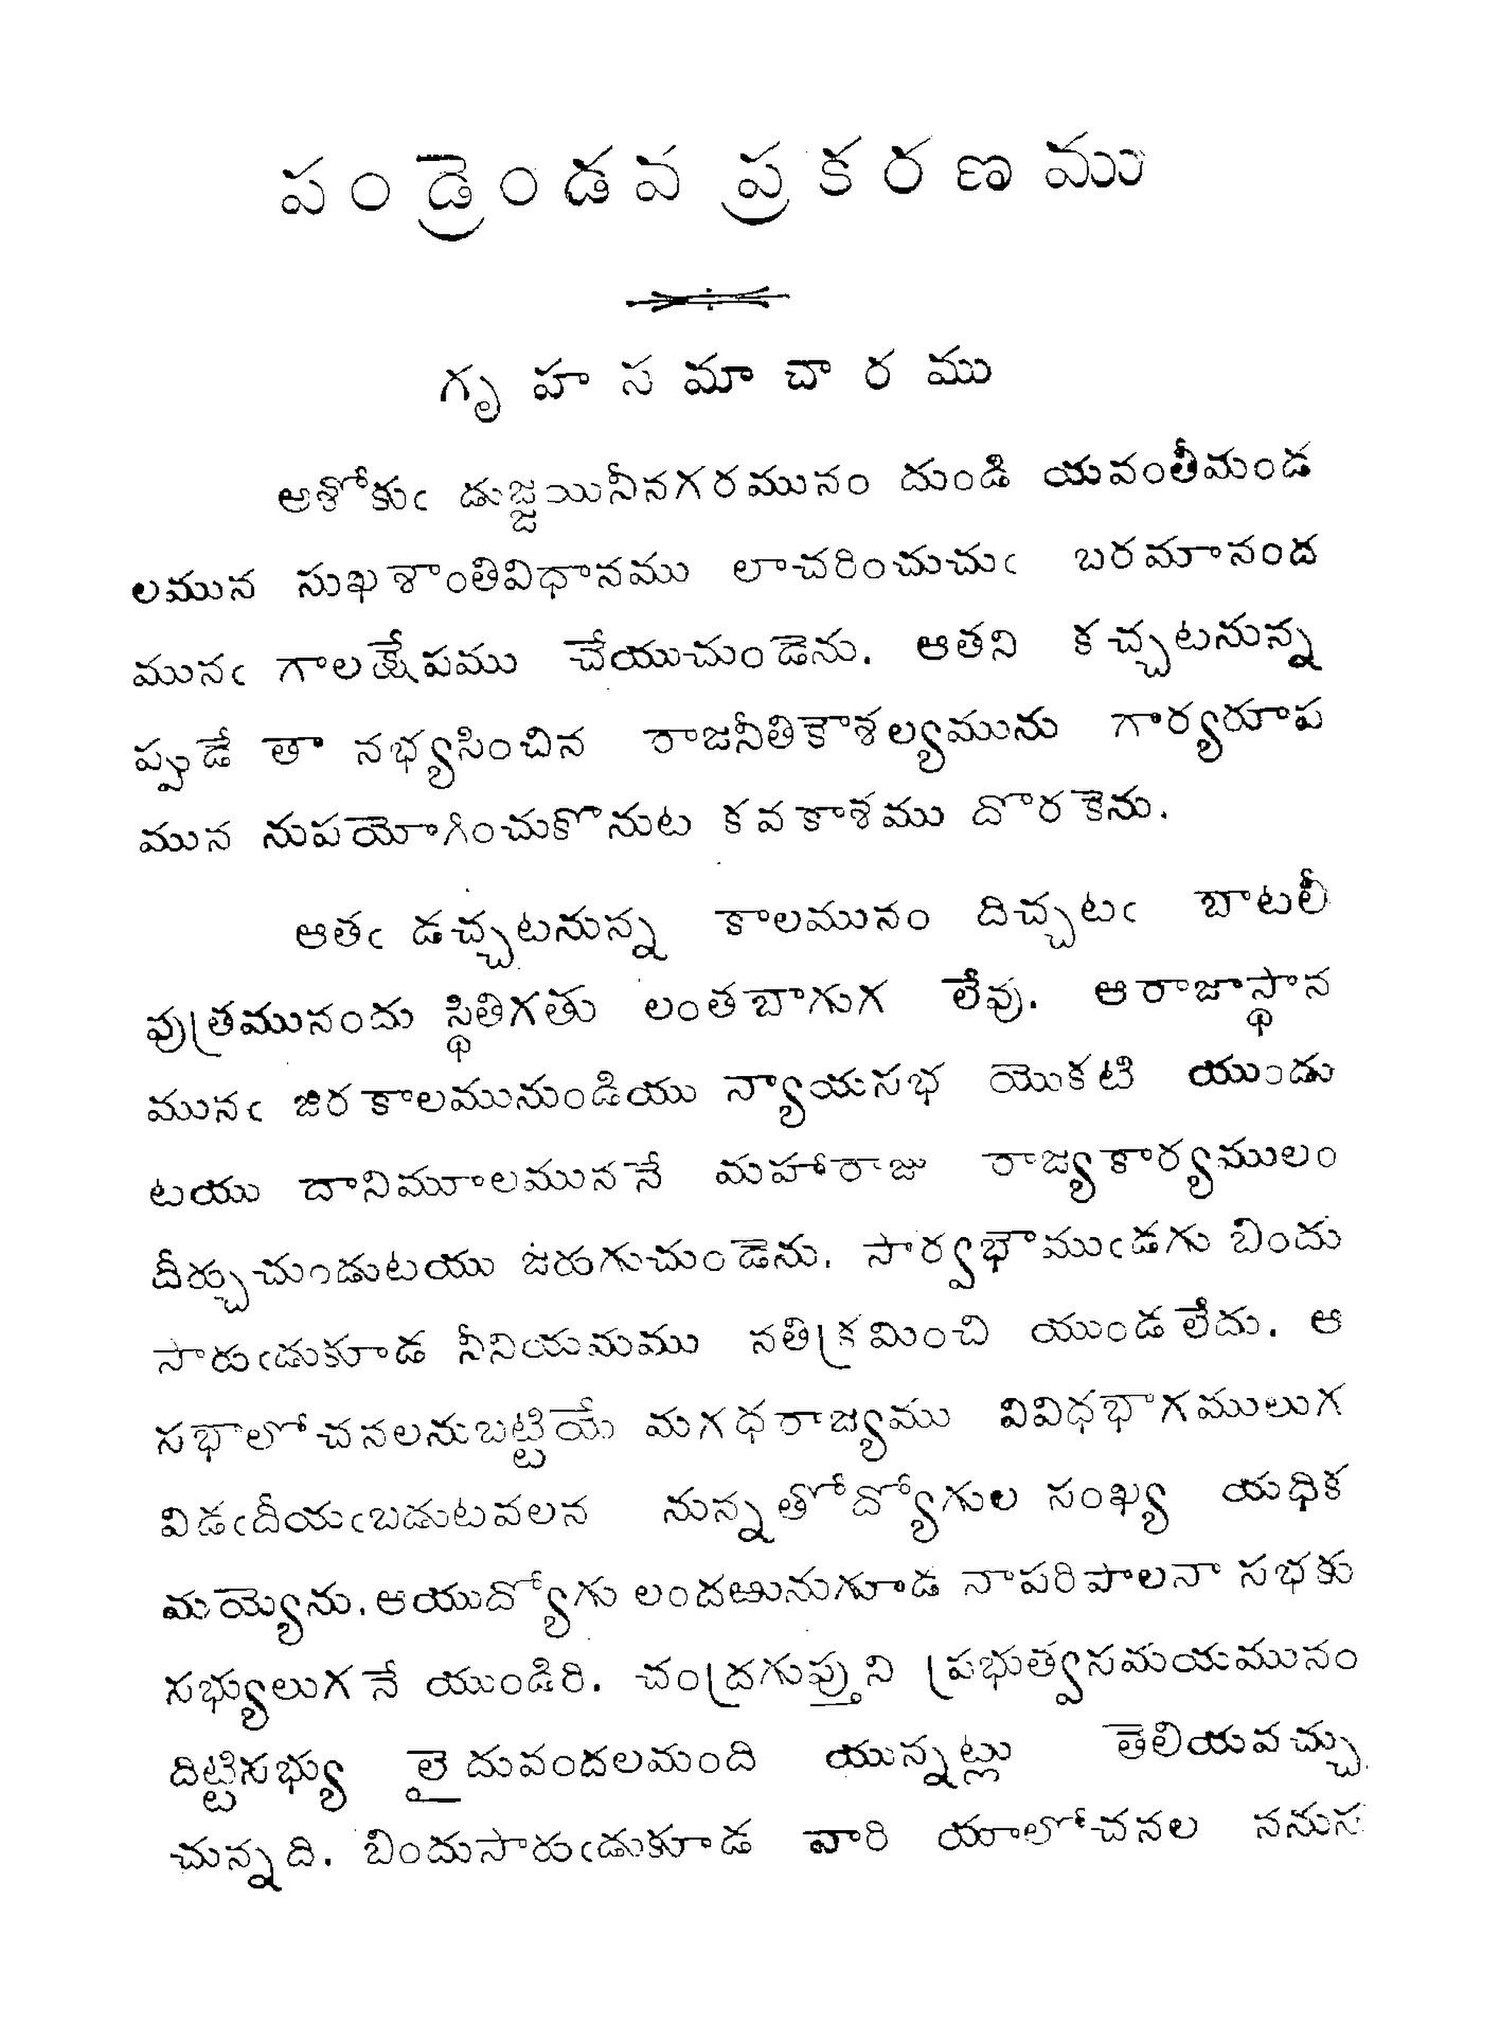పండ్రెండవ ప్రకరణము

అశోకుఁ డజ్జయినీ నగరమునం దుండి యవంతీ మండలమున సుఖ శాంతివిధానము లాచరించుచుఁ బరమానందమునఁ గాల క్షేపము చేయుచుండెను. అతని కచ్చటనున్న
ప్పుడే తా నభ్యసించిన రాజనీతి కౌశల్యమును గార్యరూపమున నుపయోగించుకొనుట కవకాశము దొరకెను.

ఆతఁ డచ్చటనున్న కాలమునం దిచ్చటఁ బాటలీవుత్రమునందు స్థితిగతు లంత బాగుగ లేవు. ఆ రాజాస్థానమునఁ జిరకాలమునుండియు న్యాయసభ యొకటి యుండుటయు దానిమూలమున నే మహారాజు రాజ్య కార్యములం దీర్చుచుండుటయు జరుగుచుండెను. సార్వభౌముఁడగు బిందుసారు(డుకూడ నీనియమము నతిక్రమించి యుండ లేదు. ఆ సభాలోచనలను బట్టియే మగధ రాజ్యము వివిధ భాగములుగ విడఁదీయఁబడుటవలన నున్నతోద్యోగుల సంఖ్య యధిక
మయ్యెను. ఆ యుద్యోగు లందఱునుగూడ నాపరి పాలనా సభకు సభ్యులుగ నే యుండిరి. చంద్రగుప్తుని ప్రభుత్వ సమయమునం దిట్టినభ్యు లైదువందలమంది యున్నట్లు చున్నది. బిందుసారుఁడుకూడ వారి యాలోచనల ననుస